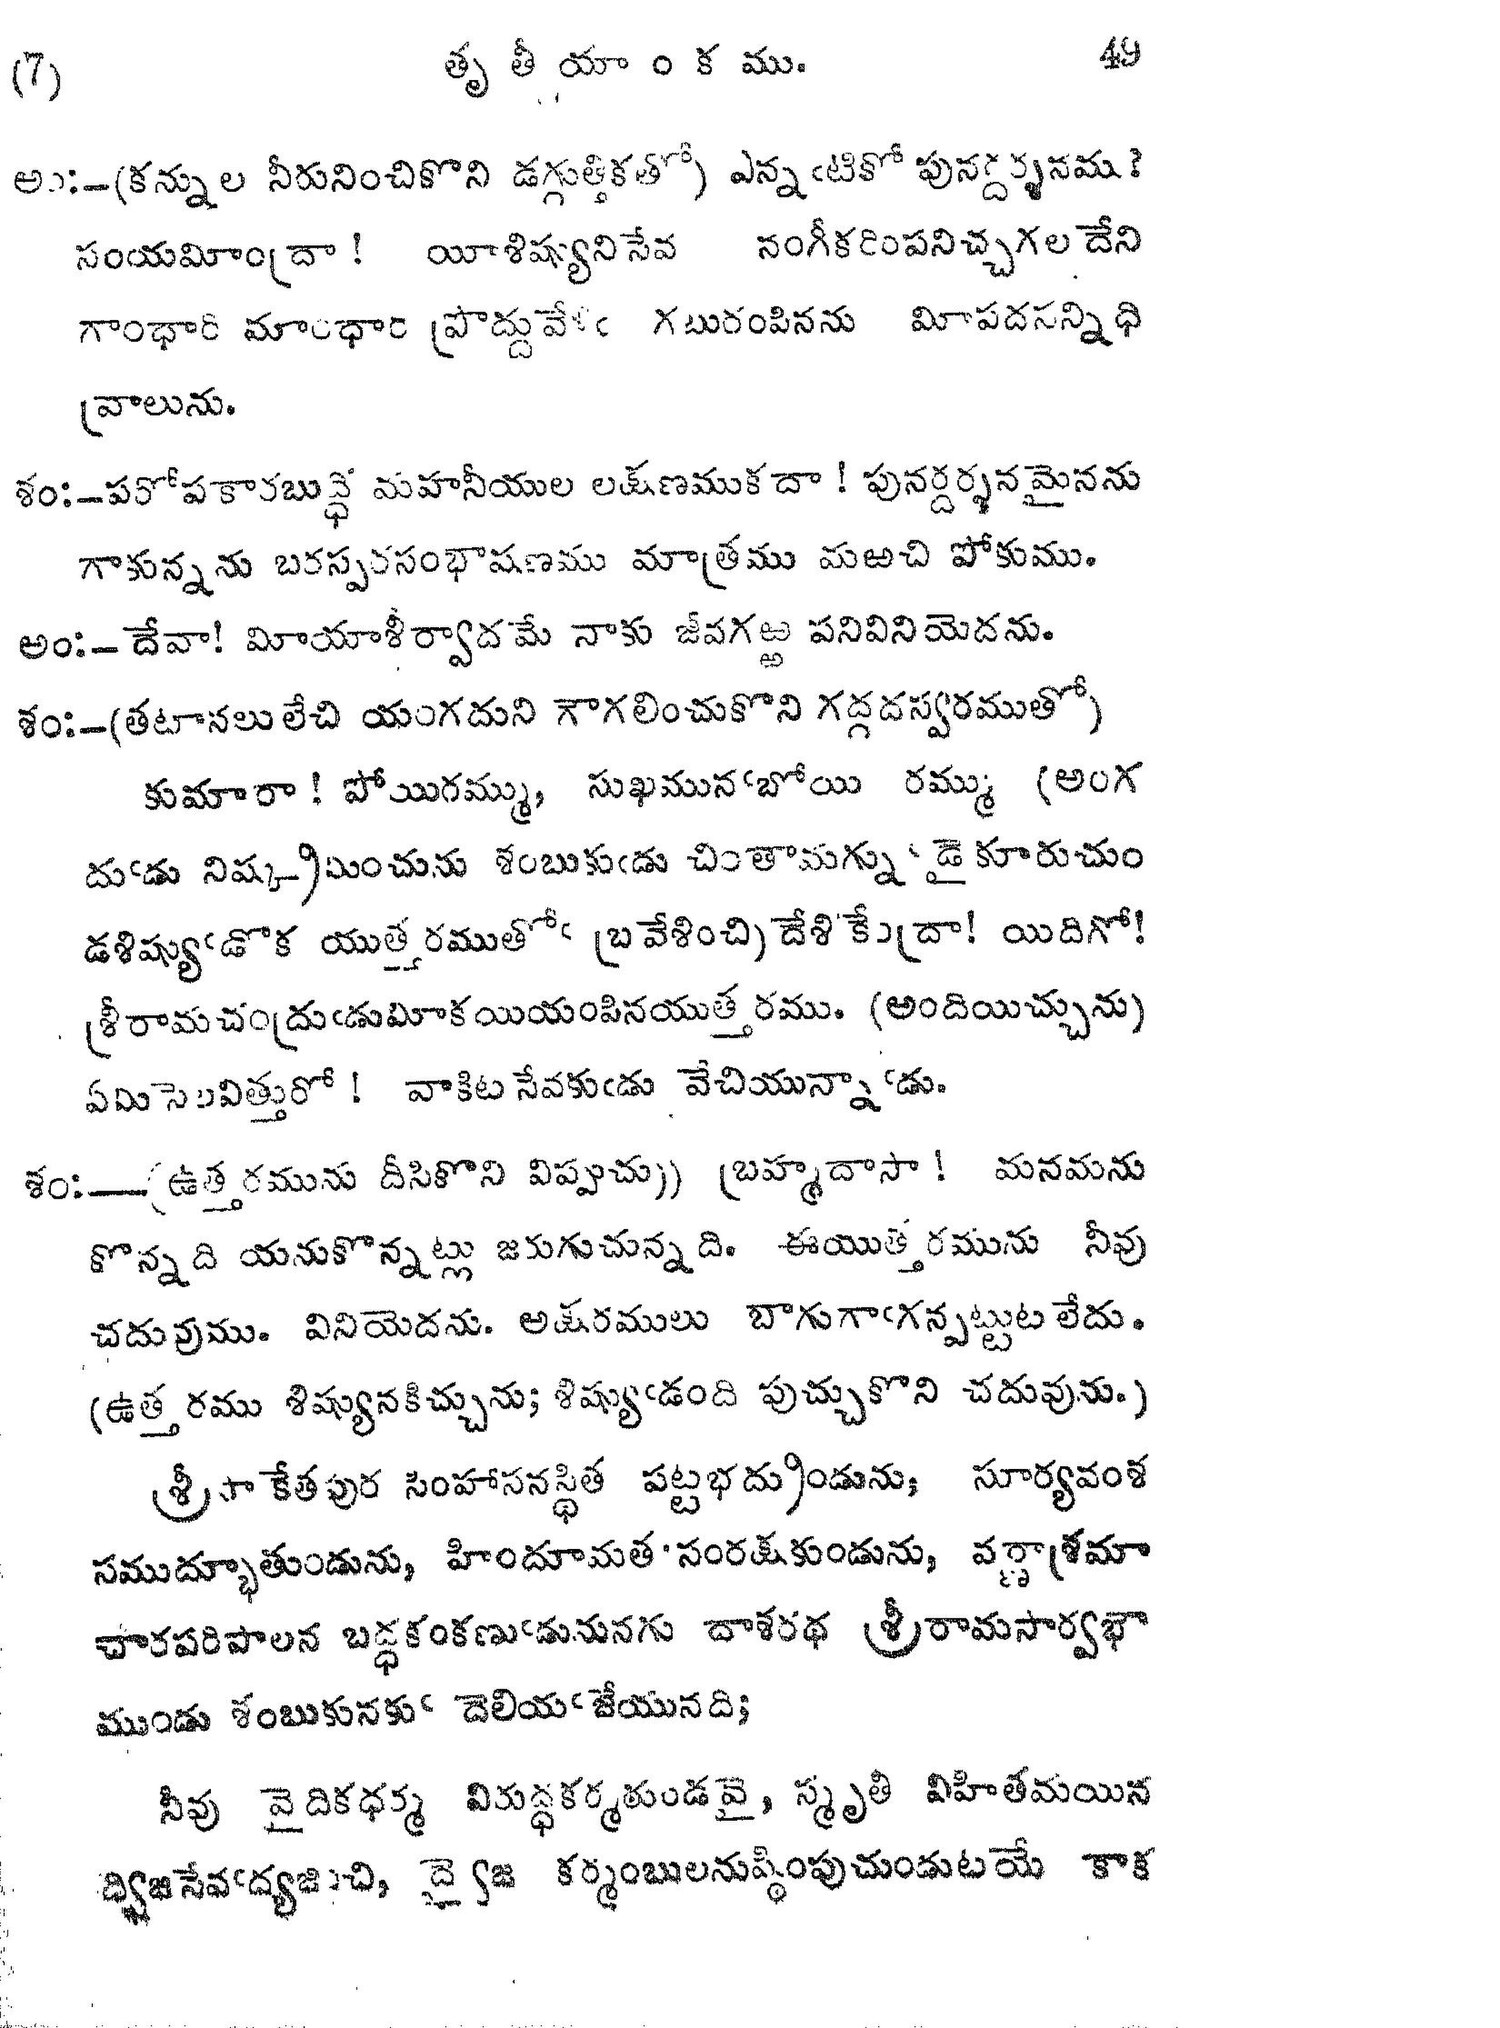అం:- (కన్నుల నీరునించికొని డగ్గుత్తికతో) ఎన్నఁటికో పునః ర్దర్శనము?
 సంయమీంద్రా ! యీశిష్యుని సేవ సంగీకరింప నిచ్చగల దేని
 గాంధారి మాంధార ప్రొద్దు వేళ గబురంపినను మీపదసన్నిధి
 వ్రాలును.

శం:-- పరోపకారబుద్ధి మహనీయుల లక్షణముకదా ! పునర్దర్శన మైనను
 గాకున్నను బరస్పర సంభాషణము మాత్రము మఱచి పోకుము.

అం:- దేవా! మియాశీ ర్వాదమే నాకు జీవగర్ర పనివిని యెదను.

శం:- (తటానలు లేచి యంగదుని గౌగలించుకొని గద్గదస్వరముతో)
 కుమారా ! పోయిరమ్ము, సుఖమున బోయి రమ్ము (అంగ
 దుఁడు నిష్క్రమించును శంబుకుఁడు చింతామగ్నుడై కూరుచుం
 డ శిష్యుడొక యుత్తరముతో బ్రవేశించి) దేశి కేంద్రా! యిదిగో!
 శ్రీరామచంద్రుఁడు మీకయి యంపిన యుత్తరము. (అందియిచ్చును)
 ఏమి సెలవిత్తురో ! వాకిట సేవకుఁడు వేచియున్నాడు.

శం:- (ఉత్తరమును దీసికొని వీప్పుచు) బ్రహ్మదాసా !మనమను
 కొన్నది యనుకొన్నట్లు జరుగుచున్నది. ఈయుత్తరమును నీవు
 చదువుము. వినియెదను. అక్షరములు బాగుగాఁగన్పట్టుట లేదు .
 (ఉత్తరము శిష్యునకిచ్చును; శిష్యు డంది పుచ్చుకొని చదువును.)

 శ్రీసాకేత పుర సింహాసనస్థిత పట్టభద్రుండును, సూర్యవంశ
 సముద్భూతుండును, హిందూమత సంరక్షకుండును, వర్ణాశ్రమా
 చార పరిపాలన బద్ధకంకణుఁడు నునగు దాశరథ శ్రీరామసార్వభౌ
 ముండు శంబుకునకుఁ దెలియఁజేయునది;

 నీవు వైదికధర్మ విరుద్ధకర్మతుండవై , స్మృతి విహితమయిన
 ద్విజ సేవ ద్యజించి, ద్వైజ కర్మంబులనుష్కింపు చుండుటయే కాక